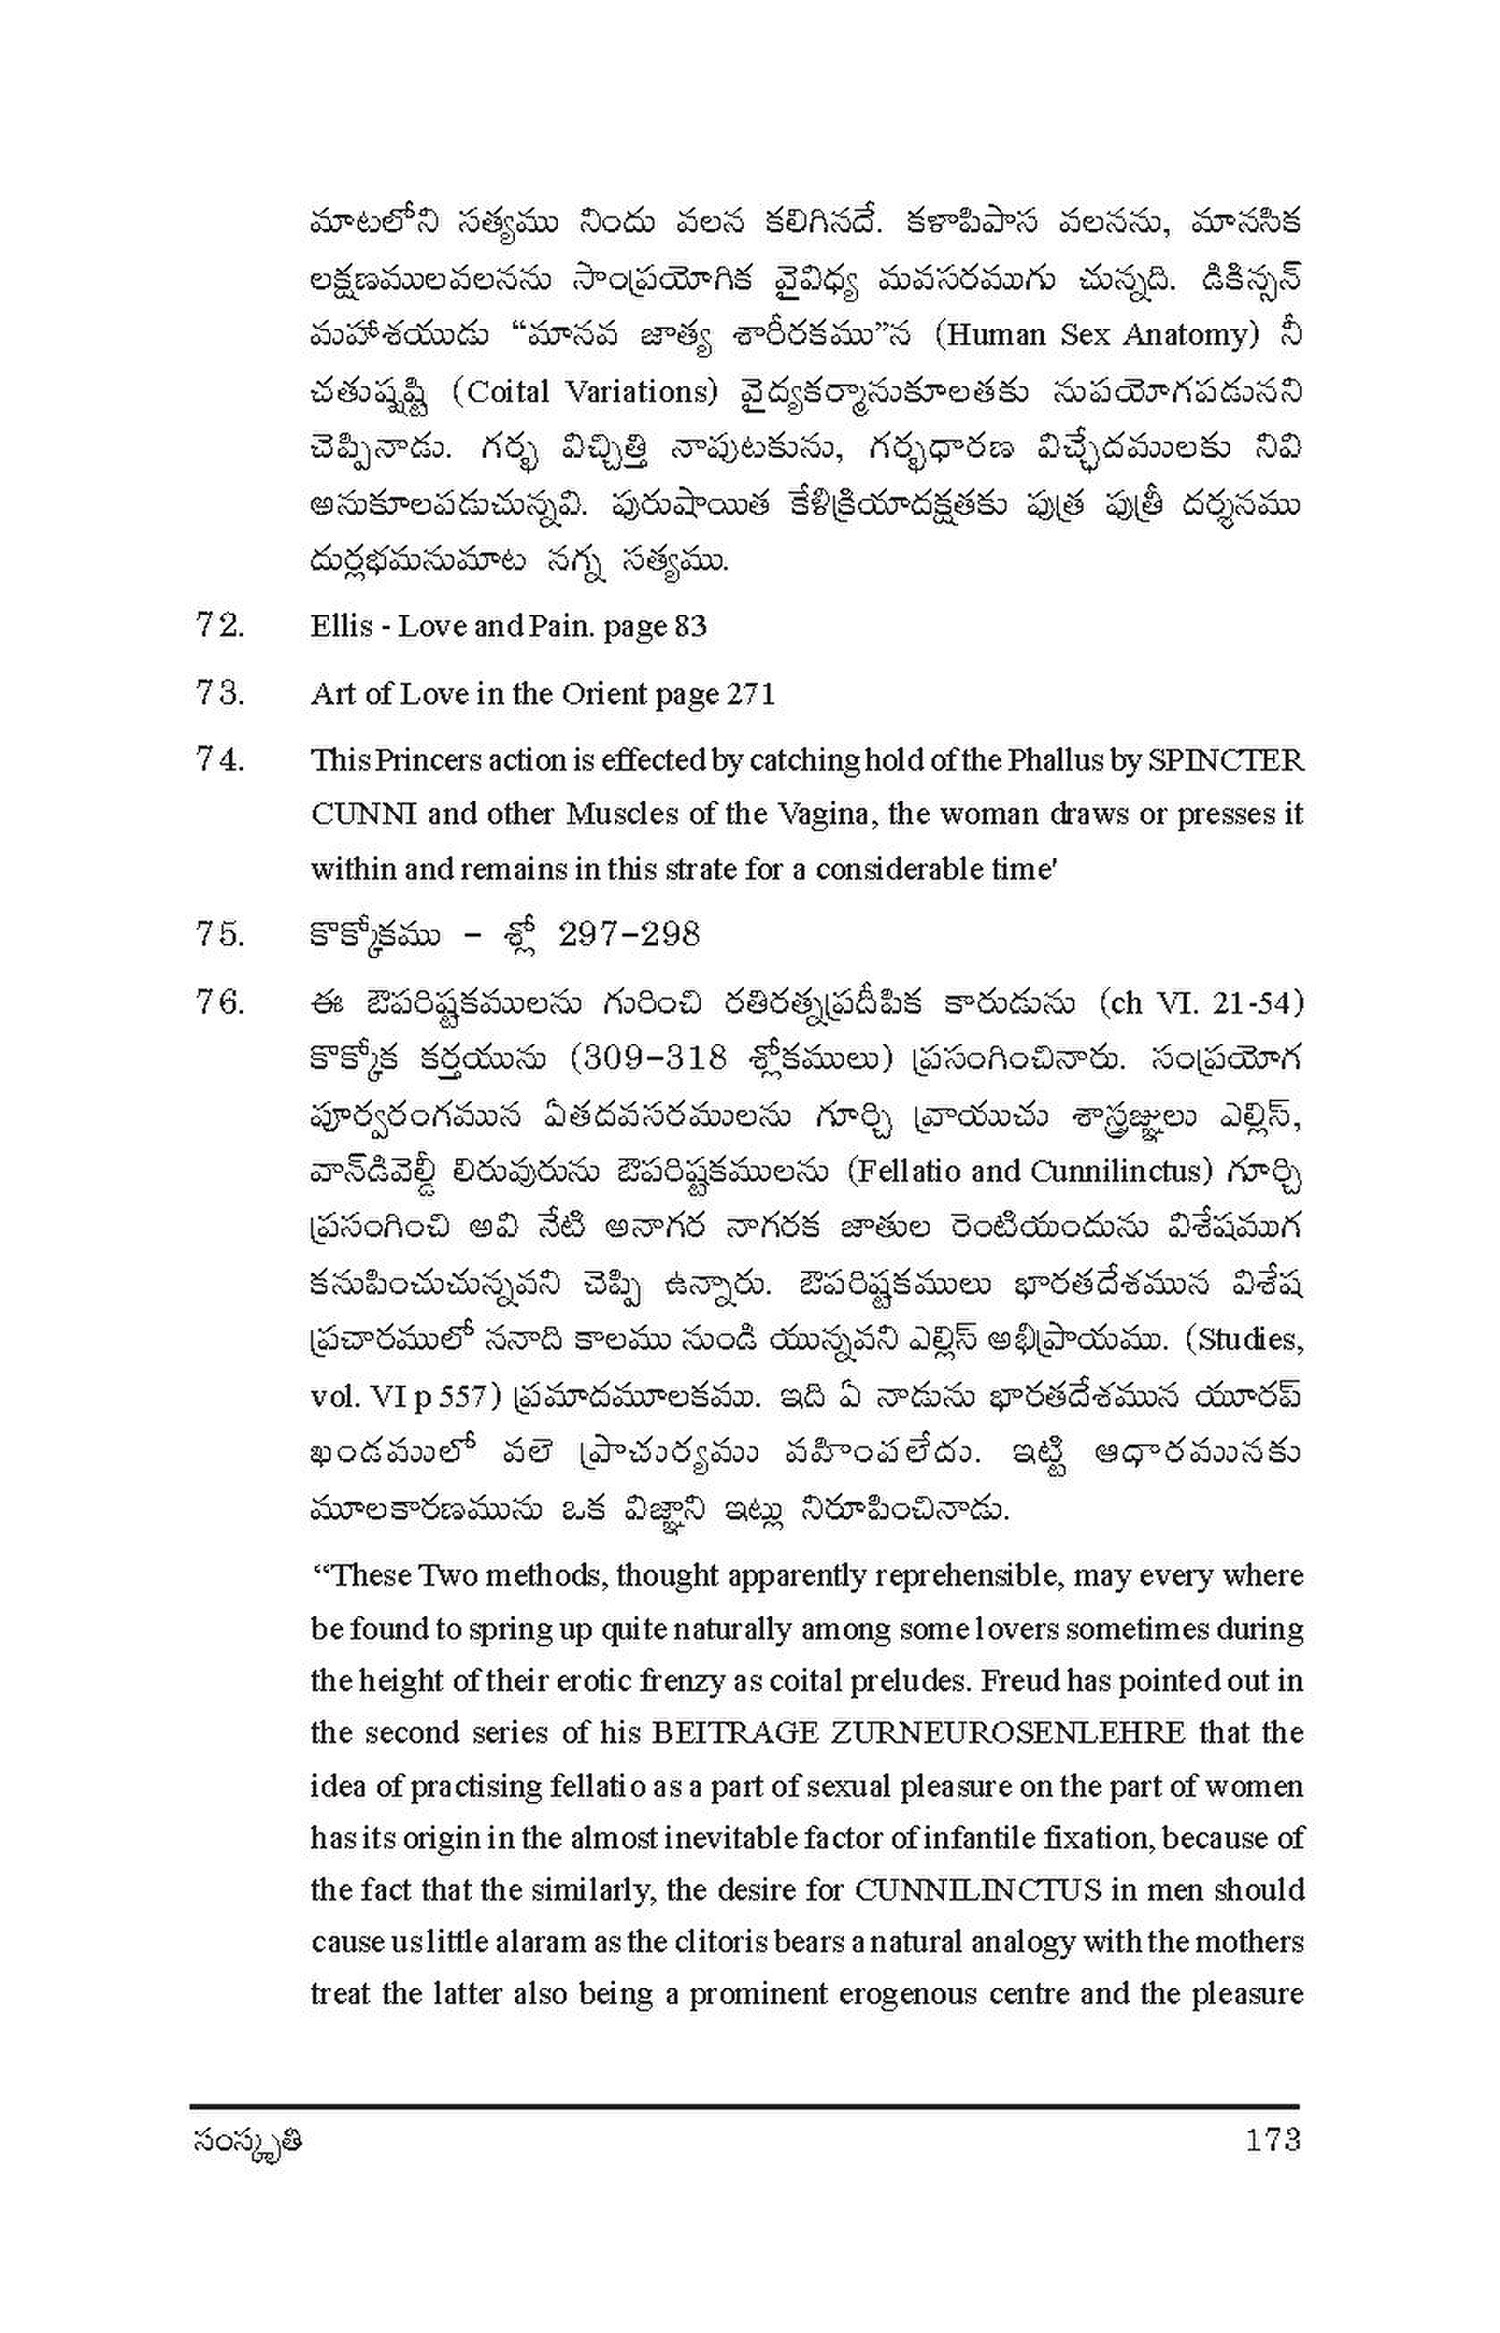మాటలోని సత్యము నిందు వలన కలిగినదే. కళాపిపాస వలనను, మానసిక
లక్షణములవలనను సాంప్రయోగిక వైవిధ్య మవసరముగు చున్నది. డికిన్సన్
మహాశయుడు "మానవ జాత్య శారీరకము"న (Human Sex Anatomy) నీ
చతుష్షష్టి (Coital Variations) వైద్యకర్మానుకూలతకు నుపయోగపడునని
చెప్పినాడు. గర్భ విచ్చిత్తి నాపుటకును, గర్భధారణ విచ్ఛేదములకు నివి
అనుకూలపడుచున్నవి. పురుషాయిత కేళిక్రియాదక్షతకు పుత్ర పుత్రీ దర్శనము
దుర్లభమనుమాట నగ్న సత్యము.

72. Ellis - Love and Pain. page 83

73. Art of Love in the Orient page 271

74. This Princers action is effected by catching hold of the Phallus by SPINCTER
CUNNI and other Muscles of the Vagina, the woman draws or presses it
within and remains in this strate for a considerable time¹

75. కొక్కోకము - శ్లో 297 298

76. ఈ ఔపరిష్టకములను గురించి రతిరత్నప్రదీపిక కారుడును (ch VI. 21-54)
కొక్కోక కర్తయును (309-318 శ్లోకములు) ప్రసంగించినారు. సంప్రయోగ
పూర్వరంగమున ఏతదవసరములను గూర్చి వ్రాయుచు శాస్త్రజ్ఞులు ఎల్లిస్,
వాన్ డి వెల్డీ లిరువురును ఔపరిష్టకములను (Fellatio and Cunnilinctus) గూర్చి
ప్రసంగించి అవి నేటి అనాగర నాగరిక జాతుల రెంటియందును విశేషముగ
కనుపించుచున్నవని చెప్పి ఉన్నారు. ఔపరిష్టకములు భారతదేశమున విశేష
ప్రచారములో ననాది కాలము నుండి యున్నవని ఎల్లిస్ అభిప్రాయము. (Studies,
vol. VI p 557) ప్రమాదమూలకము. ఇది ఏ నాడును భారతదేశమున యూరప్
ఖండములో వలె ప్రాచుర్యము వహింపలేదు. ఇట్టి ఆధారమునకు
మూలకారణమును ఒక విజ్ఞాని ఇట్లు నిరూపించినాడు.

“These Two methods, thought apparently reprehensible, may every where
be found to spring up quite naturally among some lovers sometimes during
the height of their erotic frenzy as coital preludes. Freud has pointed out in
the second series of his BEITRAGE ZURNEUROSENLEHRE that the
idea of practising fellatio as a part of sexual pleasure on the part of women
has its origin in the almost inevitable factor of infantile fixation, because of
the fact that the similarly, the desire for CUNNILINCTUS in men should
cause us little alaram as the clitoris bears a natural analogy with the mothers
treat the latter also being a prominent erogenous centre and the pleasure